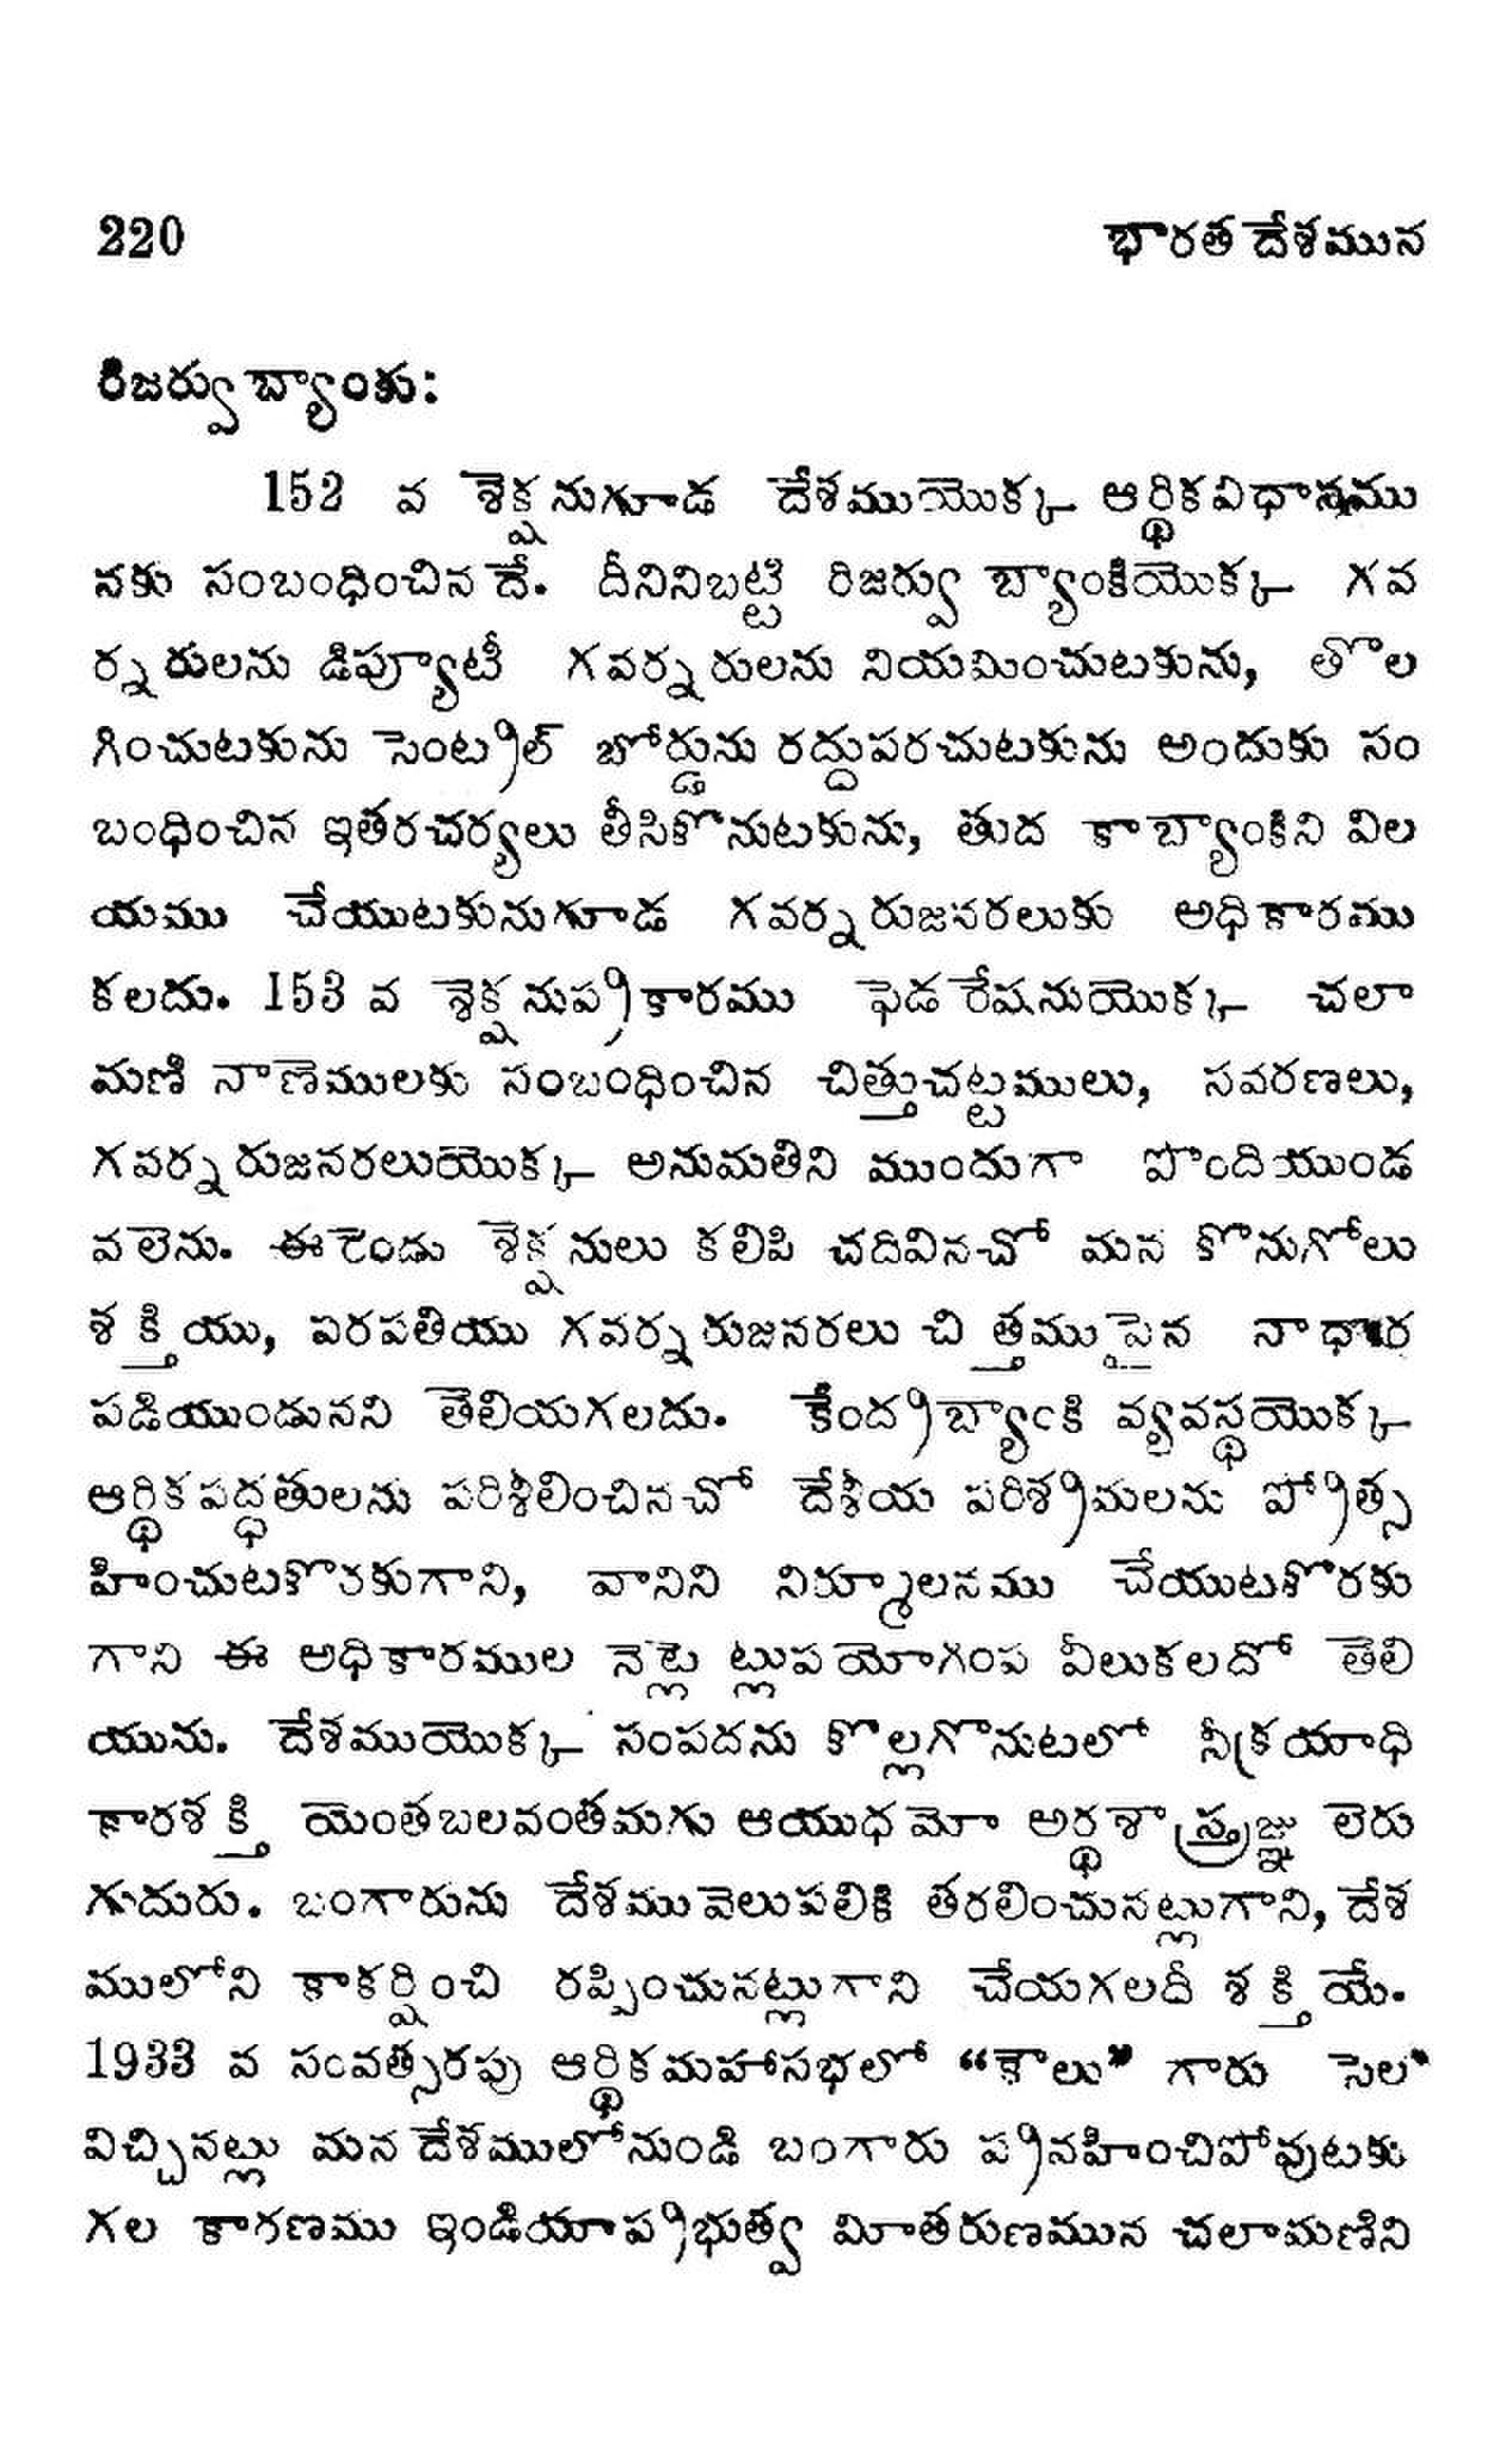152 వ శెక్షనుగూడ దేశముయొక్క ఆర్ధికవిధానమునకు సంబంధించినదే. దీనినిబట్టి రిజర్వు బ్యాంకియొక్క గవర్నరులను డిప్యూటీ గవర్నరులను నియమించుటకును, తొలగించుటకును సెంట్రల్ బోర్డునురద్దుపరచుటకును అందుకు సంబంధించిన ఇతరచర్యలు తీసికొనుటకును, తుద కాబ్యాంకిని విలయము చేయుటకునుగూడ గవర్నరుజనరలుకు అధికారము కలదు. 153 వ శెక్షనుప్రకారము ఫెడరేషనుయొక్క చలామణి నాణెములకు సంబంధించిన చిత్తుచట్టములు, సవరణలు, గవర్నరుజనరలుయొక్క అనుమతిని ముందుగా పొందియుండవలెను. ఈరెండు శెక్షనులు కలిపి చదివినచో మన కొనుగోలు శక్తియు, పరపతియు గవర్నరుజనరలు చిత్తముపైన నాధార పడియుండునని తెలియగలదు. కేంద్రబ్యాంకి వ్యవస్థయొక్క ఆర్థికపద్ధతులను పరిశీలించినచో దేశీయ పరిశ్రమలను ప్రోత్సహించుటకొరకుగాని, వానిని నిర్మూలనము చేయుటకొరకు గాని ఈ అధికారముల నెట్లెట్లుపయోగింప వీలుకలదో తెలియును. దేశముయొక్క సంపదను కొల్లగొనుటలో నీక్రయాధికారశక్తి యెంతబలవంతమగు ఆయుధమో అర్థశాస్త్రజ్ఞు లెరుగుదురు. బంగారును దేశమువెలుపలికి తరలించునట్లుగాని, దేశములోని కాకర్షించి రప్పించునట్లుగాని చేయగలదీ శక్తియే. 1933 వ సంవత్సరపు ఆర్ధికమహాసభలో “కౌలు" గారు సెలవిచ్చినట్లు మనదేశములోనుండి బంగారు ప్రవహించిపోవుటకు గల కాగణము ఇండియాప్రభుత్వ మీతరుణమున చలామణిని